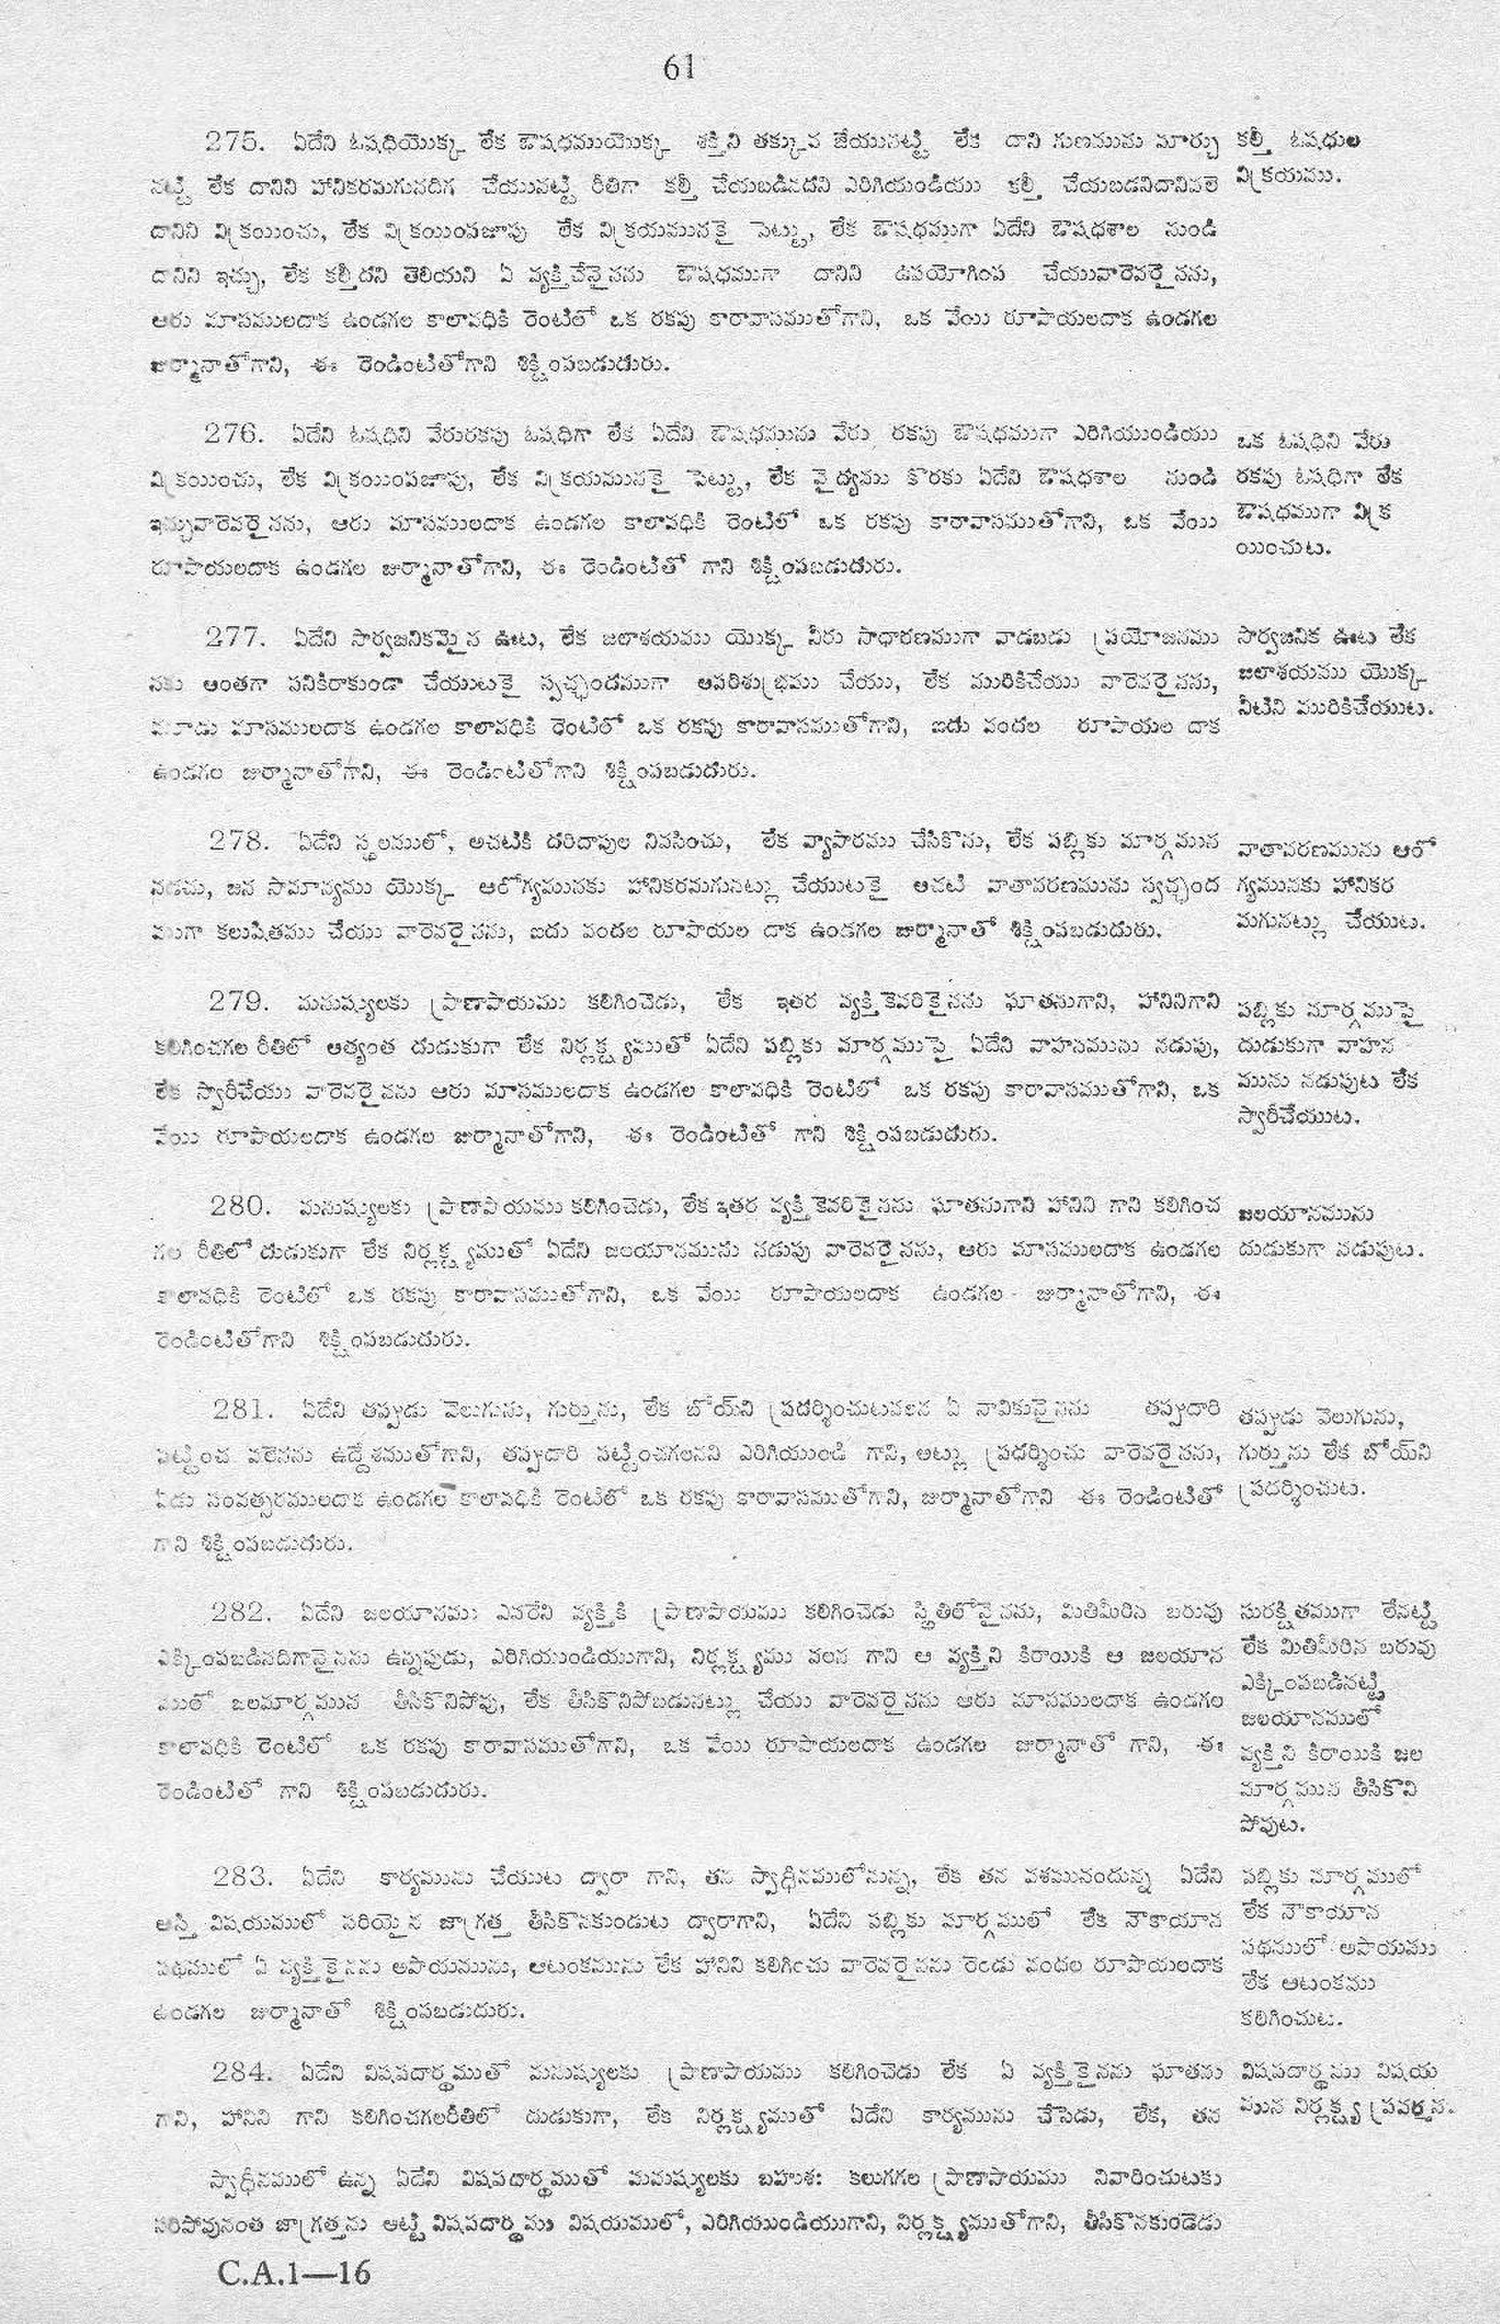కల్తీ ఓషదుల విక్రయము

275. ఏదేని ఓషధి యొక్క లేక ఔషధము యొక్క శక్తిని తక్కువ జేయునట్టి లేక దాని గుణమును మార్చు నట్టి లేక దానిని హానికరమగునదిగ చేయునట్టి రీతిగా కల్తీ చేయబడినదని ఎరిగియుండియు కర్తీ చేయబడని దానివలె దానిని విక్రయించు, లేక విక్రయింపజూపు లేక విక్రయమునకై పెట్టు, లేక ఔషధముగా ఏదేని ఔషధశాల నుండి దానిని ఇచ్చు, లేక కల్తీ దని తెలియని ఏ వ్యక్తి చేనైనను ఔషధముగా ఉపయోగింప చేయువారెవరైనను, ఆరు మాసములదాక ఉండగల కాలావధికి రెంటిలో ఒక రకపు కారావాసముతో గాని, ఒక వేయి రూపాయలదాక ఉండగల జుర్మానాతో గాని, ఈ రెండింటితోగాని శిక్షింపబడుదురు.

ఒక ఓషధిని వేరురకపు ఓషధిగా లేకఔషధముగా విక్రయించుట.

276. ఏదేని ఓషధిని వేరురకపు ఓషధిగా లేక ఏదేని ఔషధమును వేరు రకపు ఔషధముగా ఎరిగియుండియు విక్రయించు, లేక విక్రయింపజూపు, లేక విక్రయమునకై పెట్టు, లేక వైద్యము కొరకు ఏదేని ఔషధశాల నుండి ఇచ్చువారెవరైనను, ఆరు మాసములదాక ఉండగల కాలావధికి రెంటిలో ఒక రకపు కారావాసముతోగాని, ఒక వేయి రూపాయలదాక ఉండగల జుర్మానా తోగాని, ఈ రెండింటితో గాని శిక్షింపబడుదురు.

సార్వజనిక ఊట లేక జలాశయము యొక్కనీటిని మురికిచేయుట.

277. ఏదేని సార్వజనికమైన ఊట, లేక జలాశయము యెుక్క నీరు సాధారణముగా వాడబడు ప్రయోజనమునకు అంతగా పనికిరాకుండా చేయుటకై స్వచ్ఛందముగా అపరిశుభ్రము చేయు, లేక మురికిచేయు వారెవరైనను, మూడు మాసములదాక ఉండగల కాలావధికి రెంటిలో ఒక రకపు కారావాసముతోగాని, ఐదు వందల రూపాయల దాక ఉండగల జుర్మానా తో గాని, ఈ రెండింటిలోగాని శిక్షింపబడుదురు.

వాతావరణమును ఆరొగ్యమునకు హానికరమగునట్లు చేయుట.
వా
278. ఏదేని స్థలములో, అచటికి దరిదాపుల నివసించు, లేక వ్యాపారము చేసికొను, లేక పబ్లికు మార్గమున నడచు, జన సామాన్యము యొక్క ఆరోగ్యమునకు హానికరమగునట్లు చేయుటకై అచటి వాతావరణమును స్వచ్ఛందముగా కలుషితము చేయు వారెవరైనను, ఐదు వందల రూపాయల దాక ఉండగల జుర్మానాతో శిక్షింపబడుదురు.

పబ్లికు మార్గముపై దుడుకుగా వాహనమును నడుపుట లేక స్వారీచేయుట.

279. మనుష్యులకు ప్రాణాపాయము కలిగించాడు,లేక ఇతర వ్యక్తి కెవరికైనను ఘాతనుగాని, హానినిగాని కలిగించగల రీతిలో అత్యంత దుడుకుగా లేక నిర్లక్ష్యముతో ఏదేని పబ్లికు మార్గము పై ఏదేని వాహనమును నడుపు, లేక స్వారీచేయు వారెవరైనను ఆరు మాసములదాక ఉండగల కాలావధికి రెంటిలో ఒక రకపు కారావాసముతోగాని, ఒక వేయి రూపాయలదాక ఉండగల జుర్మానాలోగాని, ఈ రెండింటితో గాని శిక్షింపబడుదురు.

జలయానమును దుడుకుగా నడుపుట.

280. మనుష్యులకు ప్రాణాపాయము కలిగించెడు, లేక ఇతర వ్యక్తి కెవరికై నను ఘాతనుగాని హానిని గాని కలిగించగల రీతిలో దుడుకుగా లేక నిర్లక్ష్యముతో ఏదేని జలయానమును నడుపు వారెవరైనను, ఆరు మాసములదాక ఉండగల కాలావధికి రెంటిలో ఒక రకపు కారావాసముతొగాని, ఒక వేయి రూపాయలదాకు ఉండగల జుర్మానాతోగాని, ఈ రెండింటితో గాని శిక్షింపబడుదురు.

తప్పుడు వెలుగును,గుర్తును లేక బోయ్ ని ప్రదర్శించుట.

281. ఏదేని తప్పుడు వెలుగును గుర్తును, లేక బోయ్ ని ప్రదర్శించుటవలన ఏ నావికునై నిను తప్పుదారి పట్టించ వలెనను ఉద్దేశముతో గానీ, తప్పుదారి పట్టించగలనని ఎరిగియుండి గాని, అట్లు ప్రదర్శించు వారెవరై నను, ఏడు సంవత్సరములదాక ఉండగల కాలావధికి రెంటిలో ఒక రకపు కారావాసముతో గాని, జుర్మానా తో గాని ఈ రెండింటితో గాని శిక్షింపబడుదురు,

సురక్షితముగా లేనట్టి లేక మితిమీరిన బరువు ఎక్కింపబడినట్టి జలయానములో వ్యక్తిని కిరాయికి జలమార్గమున తీసికొనిపోవుట.

282. ఏదేని జలయానము: ఎవరేని వ్యక్తికి ప్రాణాపాయము కలిగించెడు స్ఠితిలోనైనను, మితిమీరిన బరువు ఎక్కింపబడినదిగానై నను ఉన్నపుడు, ఎరిగియుండియుగాని, నిర్లక్ష్యము వలన గాని ఆ వ్యక్తిని కిరాయికి ఆ జలయానములో జలమార్గమున తీసికొనిపోవు, లేక తీసికొనిపోబడునట్లు చేయు వారెవరైనను ఆరు మాసములదాక ఉండగల కాలావధికి రెంటిలో ఒక రకపు కారావాసముతోగాని, ఒక వేయి రూపాయలదాక ఉండగల జుర్మానాతో గాని, ఈ రెండింటితో గాని శిక్షింపబడుదురు.

పబ్లికు మార్గములో లేక నౌకాయాన పథములో అపాయము లేక ఆటంకము కలిగించుట.

283. ఏదేని కార్యమును చేయుట ద్వారా గాని, తన స్వాధీనములో నున్న, లేక తన వశమునందున్న ఏదేని ఆస్తి విషయములో సరియైన జాగ్రత్త తీసికొనకుండుట ద్వారాగాని, ఏదేని పబ్లికు మార్గములో లేక నౌకాయాన పథములో ఏ వ్యక్తి కైనను అపాయమును, ఆటంకమును లేక హానిని కలిగించు వారెవరైనను రెండు వందల రూపాయలదాక ఉండగల జుర్మానాతో శిక్షింపబడుదురు.

విషపదార్థము విషయమున నిర్లక్ష్య ప్రవర్తన.

284. ఏదేని విష పదార్థముతో మనుష్యులకు ప్రాణపాయము కలిగించెడు లేక ఏ వ్యక్తి కైనను ఘాతను గాని, హానిని గాని కలిగించగలరీతిలో దుడుకుగా, లేక నిర్లక్ష్యముతో ఏదేని కార్యమును చేసెడు, లేక, తన స్వాధీనములో ఉన్న ఏదేని విషపదార్థముతో మనుష్యులకు బహుశః కలుగగల ప్రాణాపాయము నివారించుటకు సరిపోవునంత జాగ్రత్తను ఆట్టి విష పదార్థము విషయములో, ఎరిగియుండియుగాని, నిర్లక్ష్యముతోగాని, తీసికొనకుండెడు